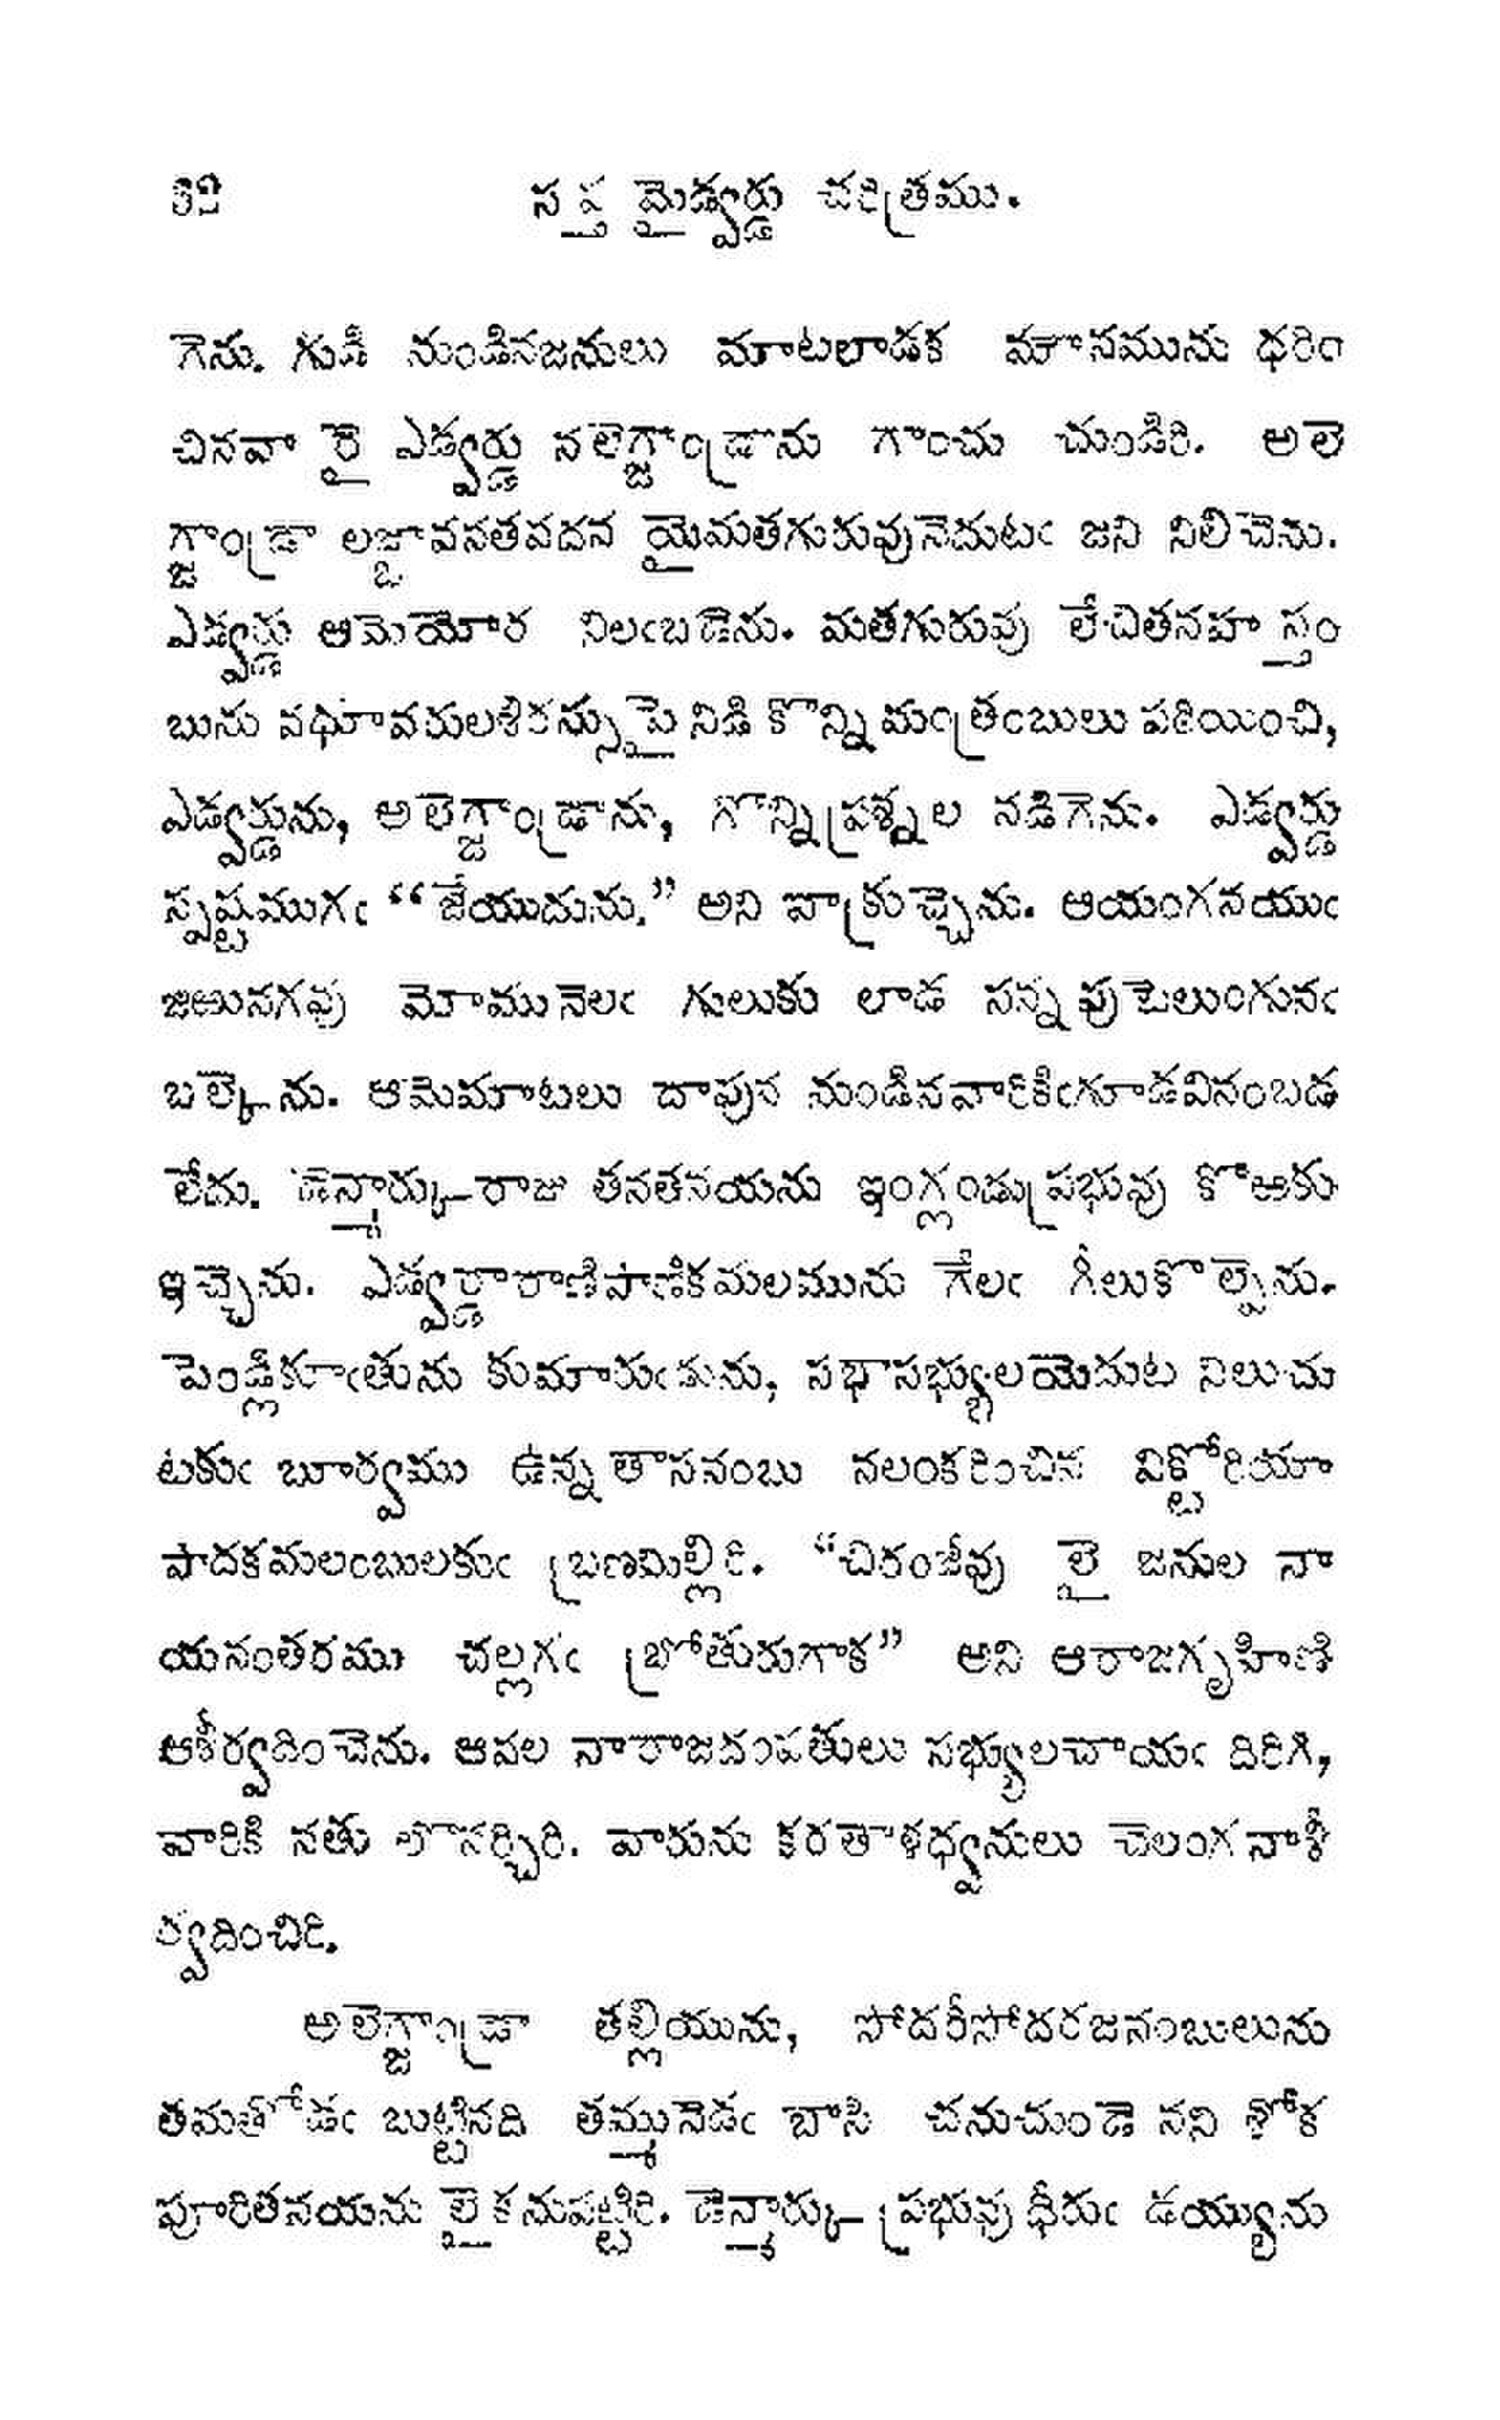గెను. గుడి నుండినజనులు మాటలాడక మౌనమును ధరించినవా రై ఎడ్వర్డు నలెగ్జాండ్రాను గాంచు చుండిరి. అలెగ్జాండ్రా లజ్జావనతవదన యై మతగురువు నెదుటఁ జని నిలిచెను.
ఎడ్వర్డు ఆమె యోర నిలఁబడెను. మతగురువు లేచితనహ స్తంబును వధూవరులళిరస్సు పై నిడి కొన్ని మంత్రంబులు పఠియించి,ఎడ్వర్డును, అలెగ్జాండ్రను, గొన్ని ప్రశ్నల నడిగెను. ఎడ్వర్లు
స్పష్టముగఁ " జేయుదును.” అని వాక్రుచ్చెను. ఆయంగనయుఁజిరులునగవు మోము నెలఁ గులుకు లాడ సన్నపు టెలుంగునఁబల్కెను. ఆమెమాటలు దాపున నుండినవారికిఁ గూడవినంబడ
లేదు. డెన్మార్కురాజు తనతనయను ఇంగ్లండు ప్రభువు కొరకుఇచ్చెను. ఎడ్వర్డారాణి పాణీకమలమును గేలం గీలు కొల్పెను.పెండ్లి కూతును కుమారుడును, సభా సభ్యుల యెదుట నిలుచుటకుఁ బూర్వము ఉన్న తాసనంబు నలంకరించిన విక్టోరియాపాద కమలంబులకుఁ బ్రణమిల్లి .. "చిరంజీవులై జనుల నాయనంతరము చల్లగఁ బ్రోతురుగాక” అని ఆ రాజగృహిణి
ఆశీర్వదించెను. ఆవల నా రాజదంపతులు సభ్యులచాయఁ దిరిగి,వారికి నతు లోసర్చిరి. వారును కరతాళధ్వనులు చెలంగ నాశీర్వదించిరి,

అలెగ్జాడ్రా తల్లియును, సోదరీసోదర జనంబులునుతమతోడఁ బుట్టినది. తమ్ము నెడఁ బాసి చనుచుండె నని శోకపూరితనయను లై కనుపట్టిరి. డెనార్కు- ప్రభువు ధీరుఁ డయ్యును